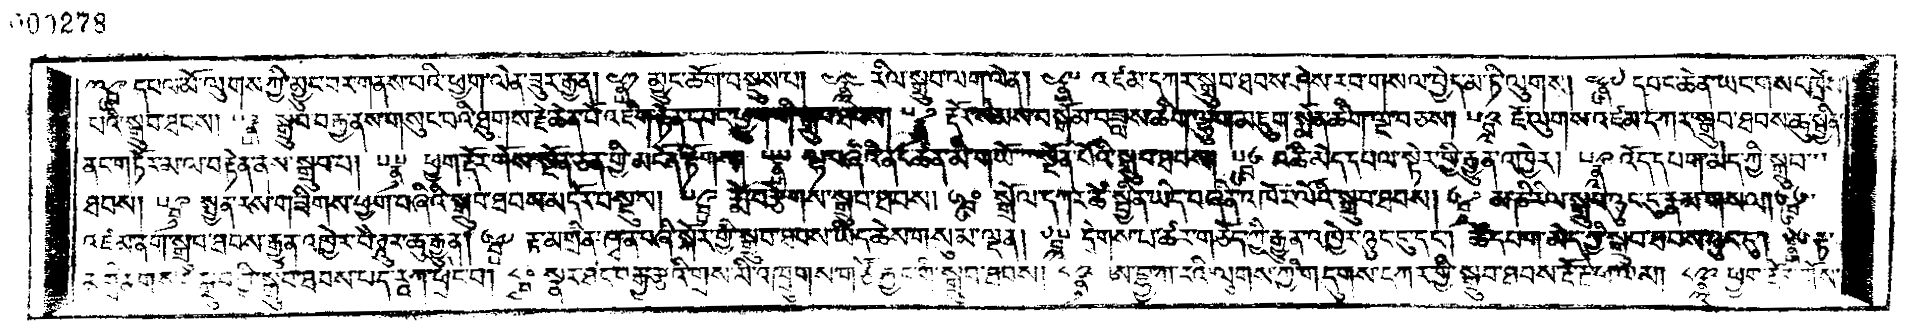༣༩བ༦་དཔལ་མོ་ལུགས་ཀྱི་མྱུང་བར་གནས་པའི་ཕྱག་ལེན་ཟུར་རྒྱན། ༤༣ན༥་མྱུང་ཆོག་བསྡུས་པ། ༤༤ན༣་རིལ་སྒྲུབ་ལག་ལེན། ༤༧ན༥་འཛམ་དཀར་སྒྲུབ་ཐབས་ཤེས་རབ་གསལ་བྱེད་མ་ཏི་ལུགས། ༤༧ན༦་དབང་ཆེན་ཡང་གསང་ཁྲོས་
པའི་སྒྲུབ་ཐབས། ༥༠ན༥་སྒྲུབ་བརྒྱ་ནས་གསུང་བའི་ཐུགས་རྗེ་ཆེན་པོ་འཇིག་རྟེན་དབང་ཕྱུག་གི་སྒྲུབ་ཐབས། ༥༡ན༡་རྡོར་སེམས་བསྒོམ་བཟླས་ཚིག་ལྷུག་མཇུག་སྨོན་ཚིག་ལྔ་བཅས། ༥༢བ༢་ཇོ་ལུགས་འཛམ་དཀར་སྒྲུབ་ཐབས་ཆུ་སྦྱིན་
ནང་གཏོར་མ་ལ་བརྟེན་ནས་སྒྲུབ་པ། ༥༥ན༡་ཕྱག་རྡོར་གོས་སྔོན་ཅན་གྱི་མངོན་རྟོགས། ༥༥ན༥་ལྷ་བཞིའི་ནང་ཚན་མི་གཡོ་སྔོན་པོའི་སྒྲུབ་ཐབས། ༥༦བ༦་འཆི་མེད་དཔལ་སྟེར་གྱི་རྒྱུན་འཁྱེར། ༥༩ན༢་འོད་དཔག་མེད་ཀྱི་སྒྲུབ་
ཐབས། ༥༩བ༡་སྤྱན་རས་གཟིགས་ཕྱག་བཞིའི་སྒྲུབ་ཐབས་མདོར་བསྡུས། ༥༩བ༥་རྨེ་བརྩེགས་སྒྲུབ་ཐབས། ༦༠བ༦་སྒྲོལ་དཀར་ཚེ་སྦྱིན་ཡིད་བཞིན་འཁོར་ལོའི་སྒྲུབ་ཐབས། ༦༡བ༡་མ་ཎི་རིལ་སྒྲུབ་ཉུང་དུ་རྣམ་གསལ། ༦༦བ༦
འཛམ་ནག་སྒྲུབ་ཐབས་རྒྱུན་འཁྱེར་བཻ་ཊཱུར་ཆུ་རྒྱུན། ༦༧བ༥་རྟ་མགྲིན་ཤྭ་ན་བཞི་སྐོར་གྱི་སྒྲུབ་ཐབས་ཡིད་ཆེས་གསུམ་ལྡན། ༧༥བ༣་དྲེགས་པ་ཚར་གཅོད་ཀྱི་རྒྱུན་འཁྱེར་ཉུང་དུ་དང་། ཚེ་དཔག་མེད་ཀྱི་སྒྲུབ་ཐབས་ཉུང་དུ། ༧༦ན༥་རྟ་
མགྲིན་གསང་སྒྲུབ་ཀྱི་སྒྲུབ་ཐབས་པད་རཱཀ་ཕྲེང་བ། ༨༠བ༤་སྣར་ཐང་བརྒྱ་རྩའི་གྲས་མི་འཁྲུགས་གཙེ་རྐྱང་གི་སྒྲུབ་ཐབས། ༨༢ན༡་ཨ་བྷྱ་ཀ་རའི་ལུགས་ཀྱི་གདུགས་དཀར་གྱི་སྒྲུབ་ཐབས་རྡོ་རྗེ་ཕ་ལམ། ༨༣ན༣་ཕྱག་རྡོར་གོས་